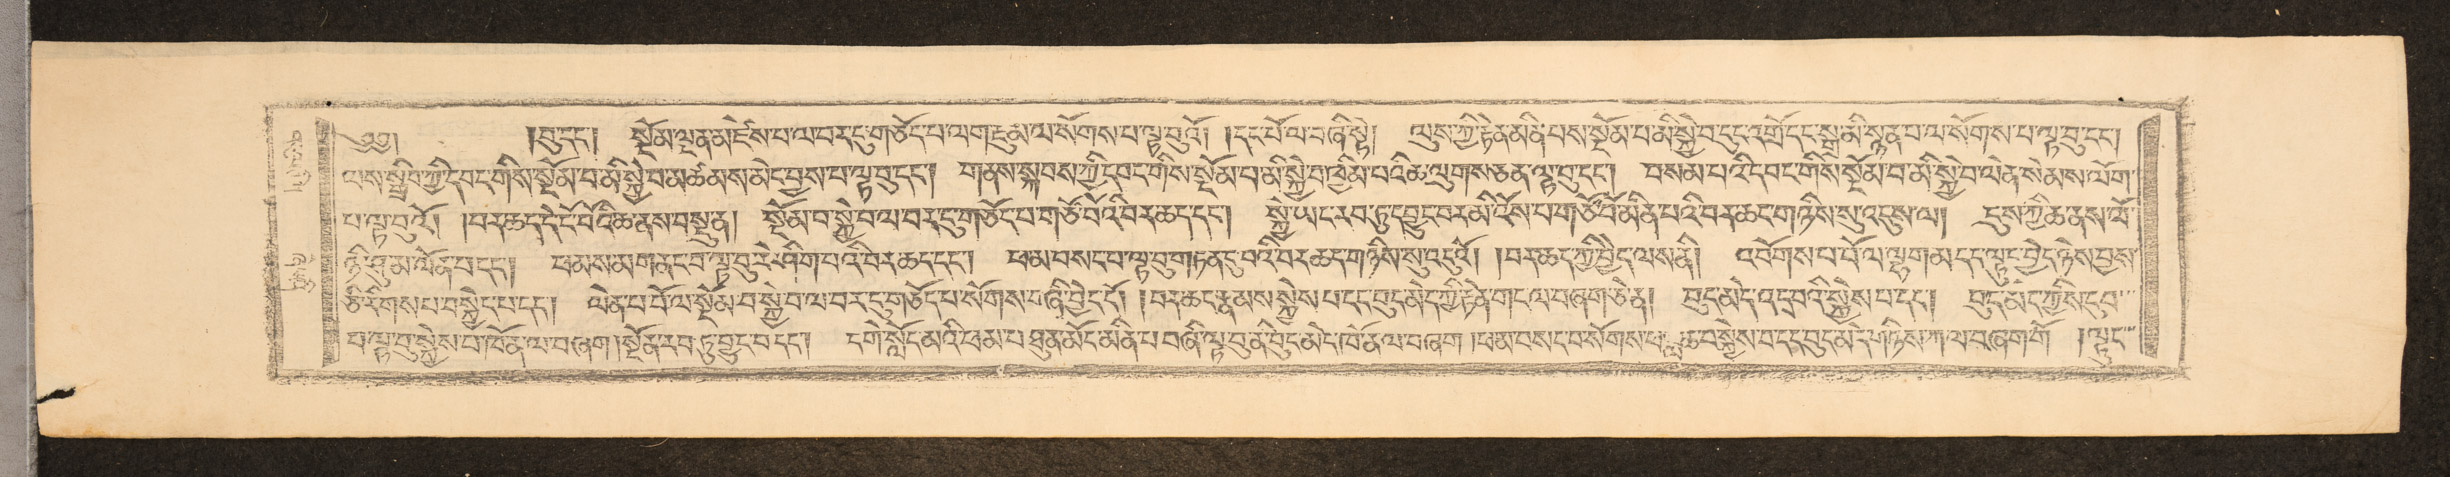༄༅། །བུ་དང་། སྔོམ་ལྡན་མཛེས་བ་ལ་བར་དུ་གཅོད་པ་ལག་རྡུམ་ལ་སོགས་པ་ལྟ་བུའོ། །དང་པོ་ལ་བཞི་སྟེ། ལུས་ཀྱི་རྟེན་མིན་པས་སྡོམ་པ་མི་སྐྱེ་བ་དུད་འགྲོ་དང་སྒྲ་མི་སྙན་པ་ལ་སོགས་པ་ལྟ་བུ་དང་།
ལས་སྒྲིབ་ཀྱི་དབང་གིས་སྡོམ་པ་མི་སྐྱེ་བ་མཚམས་མེད་བྱས་པ་ལྟ་བུ་དང་། གནས་སྐབས་ཀྱི་དབང་གིས་སྔོམ་པ་མི་སྐྱེ་བ་ཁྱིམ་པའི་ཆ་ལུགས་ཅན་ལྟ་བུ་དང་། བསམ་པའི་དབང་གིས་སྡོམ་པ་མི་སྐྱེ་བ་ལེན་སེམས་ལོག་
པ་ལྟ་བུའོ། །བར་ཆད་དེ་ངོ་བོའི་ཆ་ནས་བསྡུན། སྡོམ་པ་སྐྱེ་བ་ལ་བར་དུ་གཅོད་པ་གཙོ་བོའི་བར་ཆད་དང་། སྐྱེ་ཡང་རབ་ཏུ་དབྱུང་བར་མི་འོས་པ་གཙོ་བོ་མིན་པའི་བར་ཆད་གཉིས་སུ་འདུས་ལ། དུས་ཀྱི་ཆ་ནས་ལོ་
ཉི་ཤུ་མ་ལོན་པ་དང་། ཕམས་མ་གནང་བ་ལྟ་བུ་རེ་ཤིག་པའི་བར་ཆད་དང་། ཕ་མ་བསད་པ་ལྟ་བུ་གཏན་དུ་བའི་བར་ཆད་གཉིས་སུ་འདུའོ། །བར་ཆད་ཀྱི་བྱེད་ལས་ནི། འབོགས་པ་བོ་ལ་ལྷག་མ་དང་ལྟུང་བྱེད་ཉེས་བྱས་
ཅི་རིགས་པ་བསྐྱེད་པ་དང་། ལེན་པ་པོ་ལ་སྡོམ་པ་སྐྱེ་བ་ལ་བར་དུ་གཅོད་པ་སོགས་བཞི་བྱེད་དོ། །བར་ཆད་རྣམས་སྐྱེས་པ་དང་བུད་མེད་ཀྱི་ཏེན་གང་ལ་བཞག་ཅེ་ན། བུད་མེད་འདྲ་བའི་སྐྱེས་པ་དང་། བུད་མེད་ཀྱིས་དུ་བ་
པ་ལྟ་བུ་སྐྱེས་པ་ཁོ་ན་ལ་བཞག །སྔོན་རབ་ཏུ་བྱུང་བ་དང་། དགེ་སློང་མའི་ཕམ་པ་ཐུན་མོང་མིན་པ་བཞི་ལྟ་བུ་ནི་བུད་མེད་ཁོ་ན་ལ་བཞག །ཕ་མ་བསད་པ་སོགས་ཕལ་ཆེ་བསྐྱེས་པ་དང་བུད་མེད་གཉིས་ཀལ་བཞག་གོ །ལྟུང་